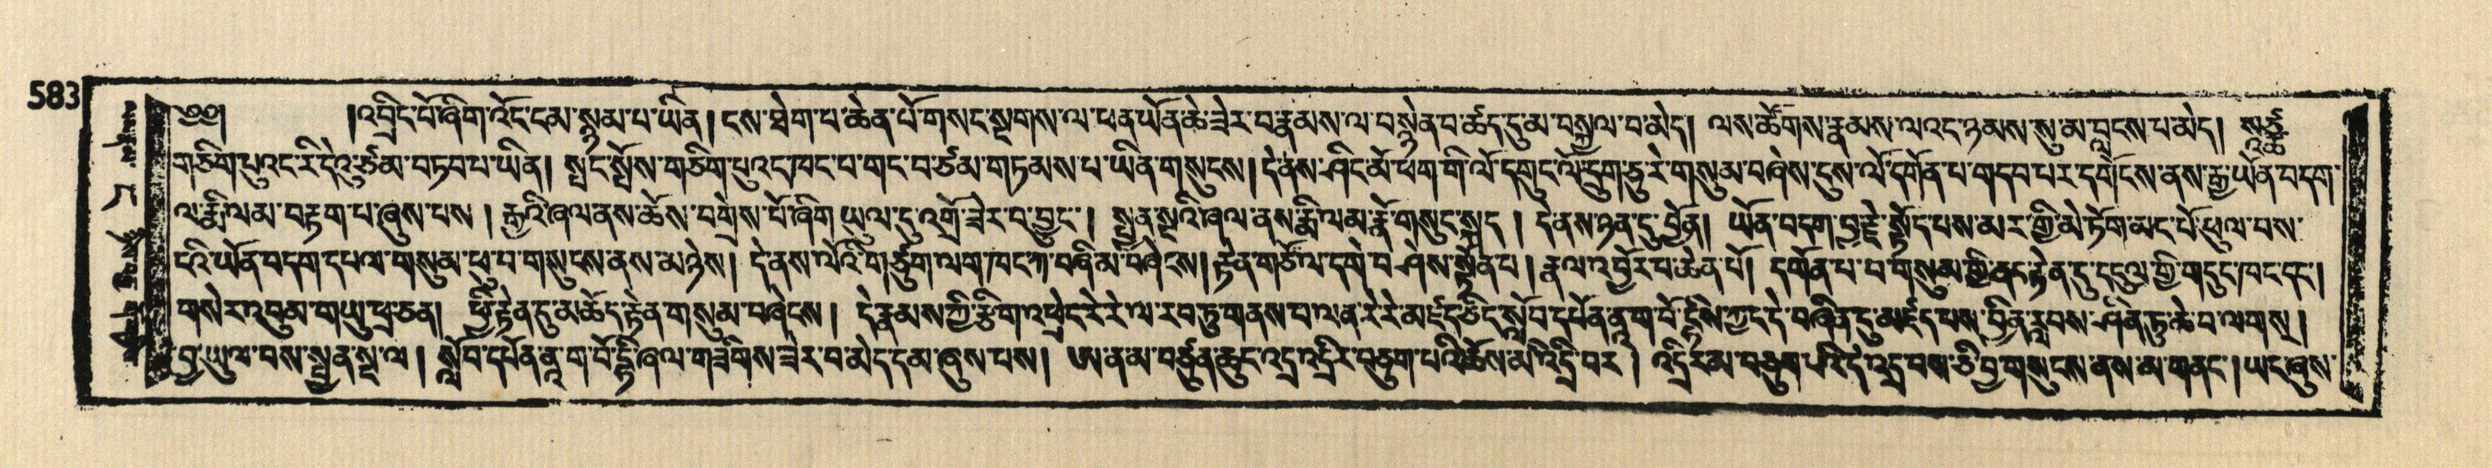༄༅། །འབྲིང་པོ་ཞིག་འོང་ངམ་སྙམ་པ་ཡིན། ངས་ཐེག་པ་ཆེན་པོ་གསང་སྔགས་ལ་ཕན་ཡོན་ཆེ་ཟེར་བ་རྣམས་ལ་བསྙེན་བ་ཚད་དུ་མ་བསྐྱལ་བ་མེད། ལས་ཚོགས་རྣམས་ལའང་ཉམས་སུ་མ་བླངས་པ་མེད། སཱཙྪ་
གཅིག་པུའང་རི་དེའུ་ཙམ་བཏབ་པ་ཡིན། སྤང་སྤོས་གཅིག་པུའང་ཁང་པ་གནག་བ་ཙམ་གཏམས་པ་ཡིན་གསུངས། དེ་ནས་ཤིང་མོ་ཕག་གི་ལོ་དགུང་ལོ་དྲུག་ཅུ་རེ་གསུམ་བཞེས་དུས་ལོ་དགོན་པ་གདབ་པར་དགོངས་ནས་རྒྱ་ཡོན་བདག་
ལ་རྨི་ལམ་བརྟག་པ་ཞུས་པས། རྒྱའི་ཞལ་ནས་ཆོས་བགྲེས་པོ་ཞིག་ཡུལ་དུ་འགྲོ་ཟེར་བ་བྱུང་། སྤྱན་སྔའི་ཞལ་ནས་རྨི་ལམ་རྣོ་གསུང་སྐད། དེ་ནས་ཉན་དུ་བྱོན། ཡོན་བདག་བྱ་རྗེ་སྟོད་པས་མར་གྱི་མེ་ཏོག་མང་པོ་ཕུལ་བས་
ངའི་ཡོན་བདག་དཔལ་གསུམ་ཕུ་བ་གསུངས་ནས་མཉེས། དེ་ནས་ལོའི་གཙུག་ལག་ཁང་ཀ་བཞི་མ་བཞེངས། རྟེན་གཙོལ་དགེ་བཤེས་སྟོན་པ། རྣལ་འབྱོར་པ་ཆེན་པོ། དགོན་པ་བ་གསུམ་གྱི་ནང་རྟེན་དུ་དངུལ་གྱི་གདུང་ཁང་དང་།
གསེར་འབུམ་གཡུ་ཕྲ་ཅན། ཕྱི་རྟེན་དུ་མཆོད་རྟེན་གསུམ་བཞེངས། དེ་རྣམས་ཀྱི་རྩིག་འཕྲེང་རེ་རེ་ལ་རབ་ཏུ་གནས་བ་ལན་རེ་རེ་མཛད་ཅིང་སློབ་དཔོན་ནཱ་ག་བོ་དྷིས་ཀྱང་དེ་བཞིན་དུ་མཛད་པས་བྱིན་རླབས་ཤིན་ཏུ་ཆེ་བ་ལགས།
བྱ་ཡུལ་བས་སྤྱན་སྔ་ལ། སློབ་དཔོན་ནཱ་ག་བོ་དྷི་ཞལ་གཟིགས་ཟེར་བ་མེད་དམ་ཞུས་པས། ཨ་ན་མ་བཙུན་ཆུང་འདྲ་འདྲིར་བཅུག་པའི་ཆོས་མི་འདྲི་བར། འདྲིར་མ་བཅུག་པའི་དེ་འདྲ་བས་ཅི་བྱ་གསུངས་ནས་མ་གནང་།ཡང་ཞུས་